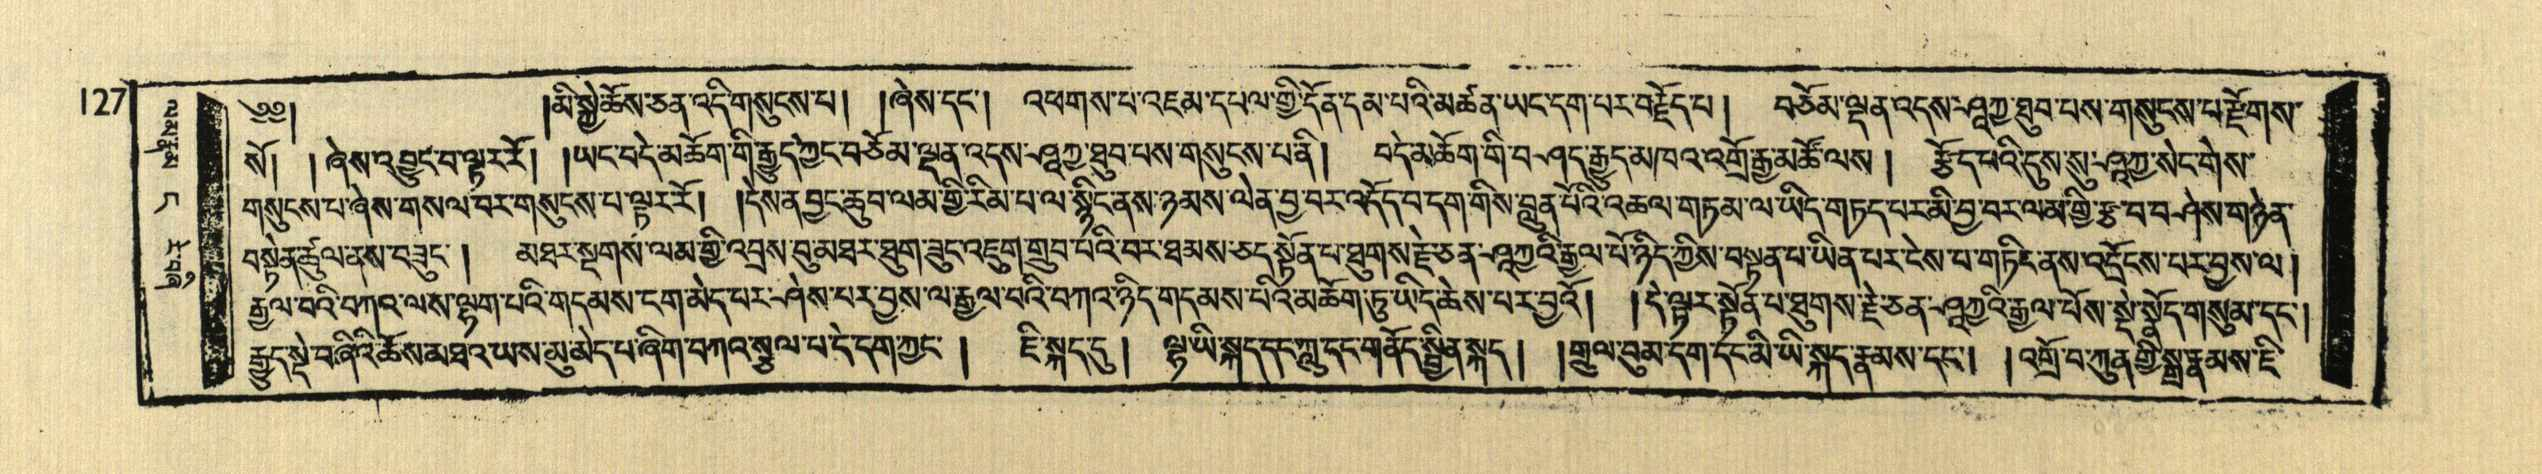༄༅། །མི་སྐྱེ་ཆོས་ཅན་འདི་གསུངས་པ། །ཞེས་དང་། འཕགས་པ་འཇམ་དཔལ་གྱི་དོན་དམ་པའི་མཚན་ཡང་དག་པར་བརྗོད་པ། བཅོམ་ལྡན་འདས་ཤཱཀྱ་ཐུབ་པས་གསུངས་པ་རྫོགས་
སོ། །ཞེས་འབྱུང་བ་ལྟར་རོ། །ཡང་བདེ་མཆོག་གི་རྒྱུད་ཀྱང་བཅོམ་ལྡན་འདས་ཤཱཀྱ་ཐུབ་པས་གསུངས་པ་ནི། བདེ་མཆོག་གི་བཤད་རྒྱུད་མཁའ་འགྲོ་རྒྱ་མཚོ་ལས། རྩོད་པའི་དུས་སུ་ཤཱཀྱ་སེང་གེས་
གསུངས་པ་ཞེས་གསལ་བར་གསུངས་པ་ལྟར་རོ། །དེས་ན་བྱང་ཆུབ་ལམ་གྱི་རིམ་པ་ལ་སྙིང་ནས་ཉམས་ལེན་བྱ་བར་འདོད་བདག་གིས་བླུན་པོའི་འཆལ་གཏམ་ལ་ཡིད་གཏད་པར་མི་བྱ་བར་ལམ་གྱི་རྩ་བ་བཤེས་གཉེན་
བསྟེན་ཚུལ་ནས་བཟུང་། མཐར་སྔགས་ལམ་གྱི་འབྲས་བུ་མཐར་ཐུག་ཟུང་འཇུག་གྲུབ་པའི་བར་ཐམས་ཅད་སྟོན་པ་ཐུགས་རྗེ་ཅན་ཤཱཀྱའི་རྒྱལ་པོ་ཉིད་ཀྱིས་བསྟན་པ་ཡིན་པར་ངེས་པ་གཏིང་ནས་འདྲོངས་པར་བྱས་ལ།
རྒྱལ་བའི་བཀའ་ལས་ལྷག་པའི་གདམས་ངག་མེད་པར་ཤེས་པར་བྱས་ལ་རྒྱལ་བའི་བཀའ་ཉིད་གདམས་པའི་མཆོག་ཏུ་ཡིད་ཆེས་པར་བྱའོ། །དེ་ལྟར་སྟོན་པ་ཐུགས་རྗེ་ཅན་ཤཱཀྱའི་རྒྱལ་པོས་སྡེ་སྣོད་གསུམ་དང་།
རྒྱུད་སྡེ་བཞིའི་ཆོས་མཐའ་ཡས་མུ་མེད་པ་ཞིག་བཀའ་སྩལ་པ་དེ་དག་ཀྱང་། ཇི་སྐད་དུ། ལྷ་ཡི་སྐད་དང་ཀླུ་དང་གནོད་སྦྱིན་སྐད། །གྲུལ་བུམ་དག་དང་མི་ཡི་སྐད་རྣམས་དང་། །འགྲོ་བ་ཀུན་གྱི་སྒྲ་རྣམས་ཇི་